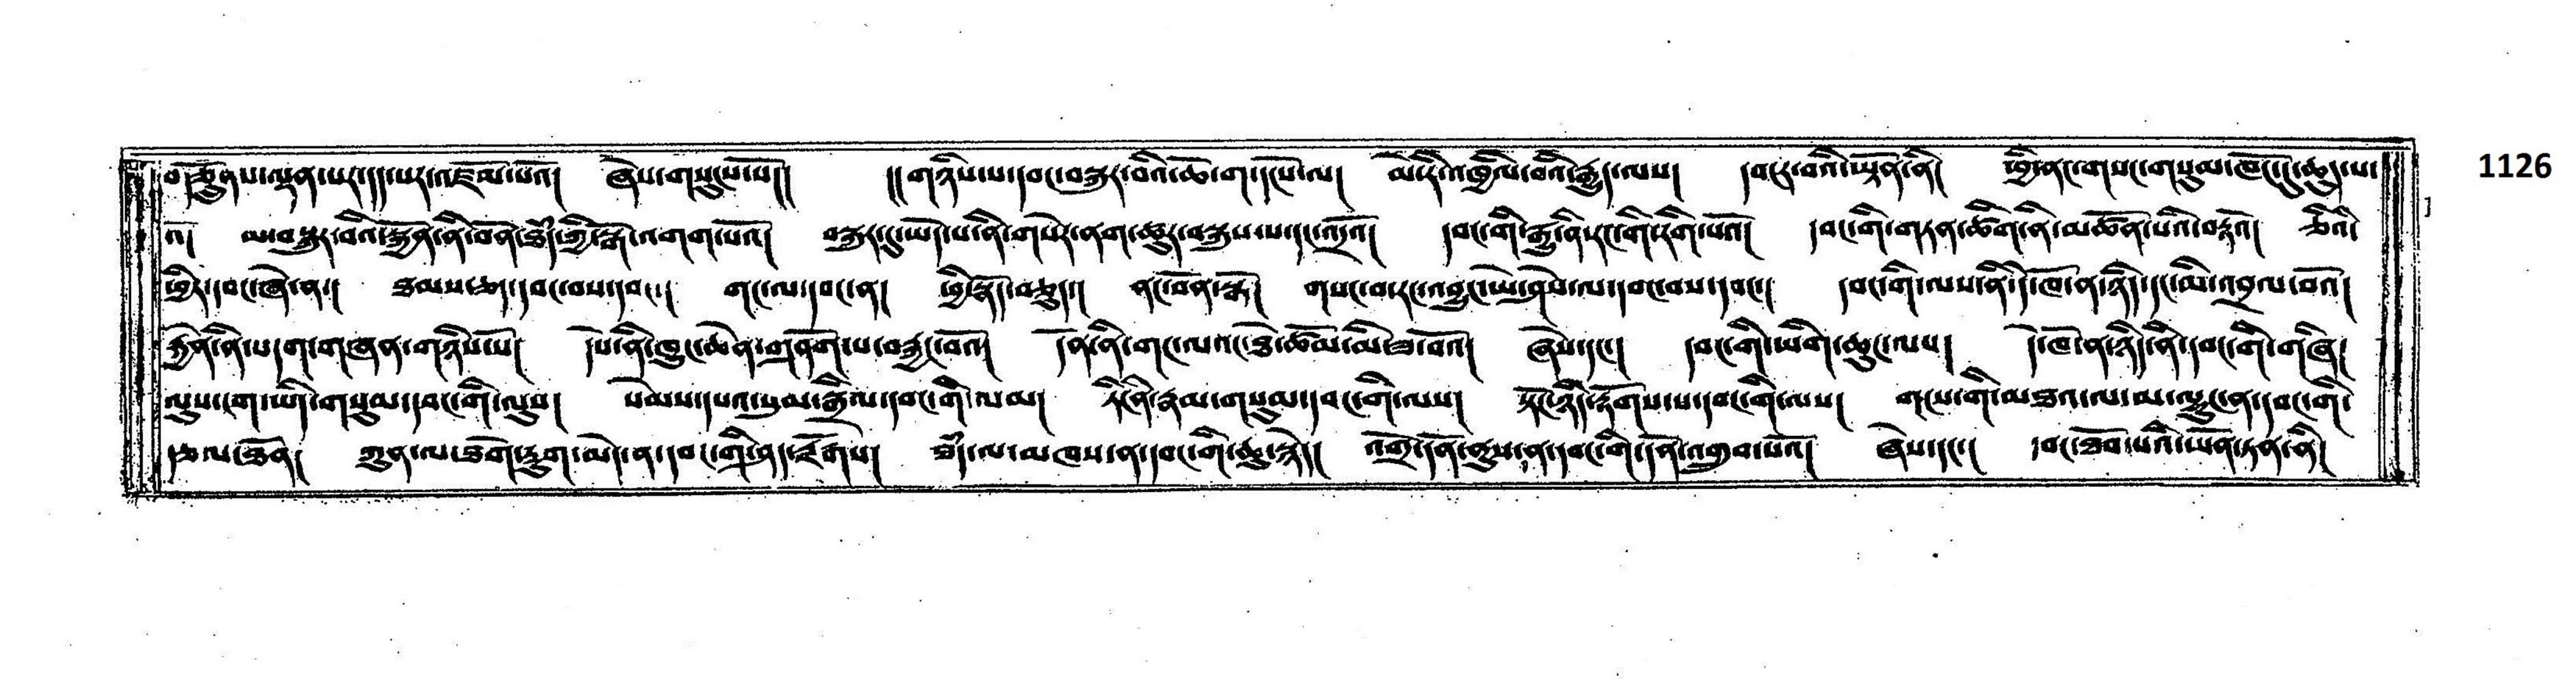བརྩོན་འགྲུས་ལྡན་པར་དད་པར་འཛོམ་པའོ། ཞེས་གསུངས་སོ།། །།གཉིས་པ་དབང་བསྐུར་བའི་ཆོ་ག་དངོས་ལ། མེ་རི་འཁྱིལ་བའི་རྒྱུད་ལས། དབང་བསྐུར་བའི་ཡོན་ཏན་ནི། ཕྱི་ནང་གསང་གསུམ་ཁོང་དུ་ཆུད་པ་
འོ། མ་བསྐུར་བའི་སྐྱོན་ནི་བོན་ཐམས་ཅད་ཀྱི་སྒོ་འགག་པའོ། བསྐུར་དུ་ཡོད་པ་ནི་གསེར་ནག་ཚུར་བསྐུས་པ་དང་འདྲའོ། དབང་གི་རྒྱུ་ནི་རང་གི་རིག་པའོ། དབང་གི་གཏན་ཚིགས་ནི་མཚོན་པའི་བརྡའོ། ཅིའི་
ཕྱིར་དབང་ཞེ་ན། ཐམས་ཅད་དབང་བས་དབང་། གང་ལ་དབང་ན། ཕྱི་སྣོད་བཅུད། ནང་བོན་སྒོ། གསང་བ་རང་འབྱུང་ཡེ་ཤེས་ལ་དབང་བས་དབང་། དབང་གི་ལས་ནི་དེ་ཁོ་ན་ཉིད་དང་མི་འབྲལ་བའོ། 
རྐྱེན་ནི་བདག་གཞན་གཉིས་པོ། དཔེ་ནི་ཁྱུང་ཆེན་གཤོག་པ་བརྐྱང་བའོ། དོན་ནི་གང་ལའང་ཐེ་ཚོམ་མི་ཟ་བའོ། ཞེས་དང་། དབང་གི་ཡིག་ཆུང་ལས། དེ་ཁོ་ན་ཉིད་ནི་དབང་གི་གཞི། 
ལུས་ངག་ཡིད་གསུམ་དབང་གི་ལུས། སེམས་དཔའ་སུམ་སྒྲིལ་དབང་གི་ལམ། ཏིང་འཛིན་རྣམ་གསུམ་དབང་གི་ལས། སྟོང་ཉིད་རྟོགས་པ་དབང་གི་ལས། གང་གི་མཐའ་ལ་མ་ལྷུང་ན་དབང་གི་
རྩལ་ཐོན། ཀུན་ལ་ཐོག་རྡུག་མེད་ན་དབང་གི་ཤེད་རྫོགས། ཐམས་ཅད་ལ་མཁས་ན་དབང་གི་ཆུ་རྙེད། འགྲོ་དོན་ནུས་ན་དབང་གི་དོན་འགྲུབ་པའོ། ཞེས་དང་། དབང་ཐོབ་པའི་ཡོན་ཏན་ནི།